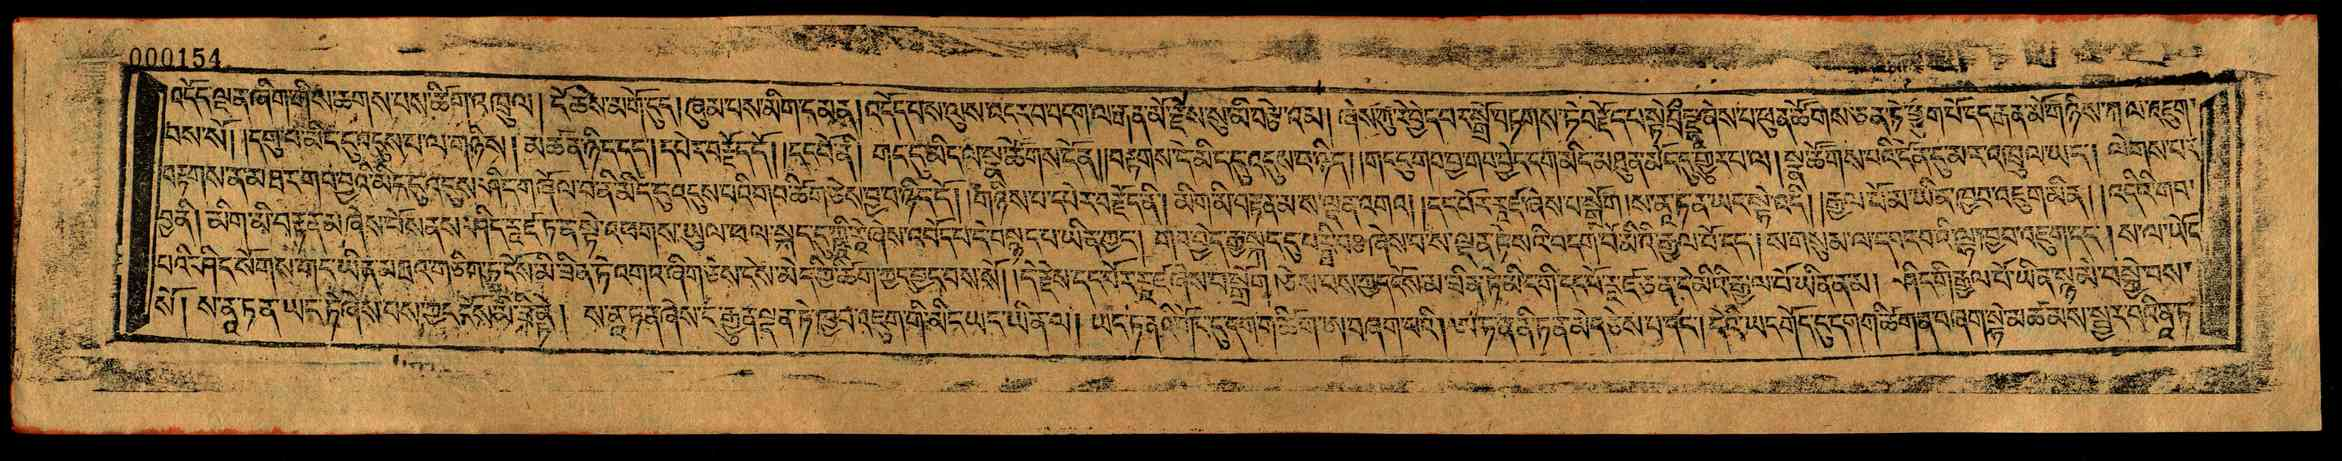འདོང་ལྡན་ཞིག་གིས་ཆགས་པས་ཚིག་འཁྲུལ། ངོ་ཚས་མགོ་དུད། ཞུམ་པས་མིག་དམན། འདོད་པས་ལུས་འདར་བ་བདག་ལ་རྒན་མོ་རྗེས་སུ་མི་བརྩེའམ། ཞེས་ཀུ་རེ་བྱེད་པར་སྒྲོ་བཏགས་ཏེ་བརྗོད་པ་སྟེ་བྲྀངྔྷཱ་ཞེས་བ་ཕུན་ཚོགས་ཅན་ཏེ་ཕྱུག་པོ་དང་རྒན་མོ་གཉིས་ཀ་ལ་འཇུག་
པས་སོ། །དགུ་པ་མིང་དུ་འདུས་པ་ལ་གཉིས། མཚན་ཉིད་དང་། དཔེར་བརྗོད་དོ། །དང་པོ་ནི། གང་དུ་མིང་ལ་སྣ་ཚོགས་དོན། །བརྟགས་དེ་མིང་དུ་འདུས་པ་ཉིད། །གང་དུ་གབ་བྱ་གབ་བྱེད་དག་མིང་མཐུན་མོང་དུ་གྱུར་པ་ལ། སྣ་ཚོགས་པའི་དོན་དུ་མར་འཁྲུལ་ཡང་། ལེགས་པར་
བརྟགས་ན་མཐར་གབ་བྱའི་མིང་དུ་འདུས་ཤིང་གཞོལ་བ་ནི་མིང་དུ་འདུས་པའི་གབ་ཚིག་ཅེས་བྱ་བ་ཉིད་དོ། །གཉིས་པ་དཔེར་བརྗོད་ནི། མིག་མི་བརྟན་མ་ས་ལྡན་འགའ། །དང་པོར་རཱ་ཛ་ཞེས་པ་སྒྲོག །ས་ནཱ་ཏ་ན་ཡང་སྟེ་འདི། །རྒྱལ་པོ་མ་ཡིན་ཁྱབ་འཇུག་མིན། །འདིའི་གབ་
བྱ་ནི། མིག་མི་བརྟན་མ་ཞེས་བོས་ནས་ཤིང་རཱ་ཛ་ཏ་ན་སྟེ་འཕགས་ཡུལ་ཕལ་སྐད་དུ་ཀྵཱི་རཱི་ཞེས་འབོད་པ་དེ་བསྙད་པ་ཡིན་ཀྱང་། གབ་བྱེད་རྒྱ་སྐད་དུ་པརྠིབཿ ཞེས་པ་ས་ལྡན་ཏ་སའི་བདག་པོ་མིའི་རྒྱལ་པོ་དང་། ས་གསུམ་ལ་དབང་བའི་ལྷ་ཁྱབ་འཇུག་དང་།ས་ལ་ཡོང་
པའི་ཤིང་སོགས་གང་ཡིན་མཐའ་གཅིག་ཏུ་ངོས་མི་ཟིན་ཏེ་འགའ་ཞིག་ཅེས་ངེས་མེད་ཀྱི་ཚིག་ཀྱང་བྱུང་བས་སོ། །དེ་རྗེས་དང་པོར་རཱ་ཛ་ཞེས་པ་སྒྲོག། །ཅེས་པས་ཀྱང་ངོས་མ་ཟིན་ཏེ་མིང་གི་དང་པོ་རཱ་ཛ་ཅན་དེ་མིའི་རྒྱལ་པོ་ཡིན་ནམ། ཤིང་གི་རྒྱལ་པོ་ཡིན་སྙམ་པ་སྐྱེ་བས་
སོ་།ས་ན་ཏ་ན་ཡང་ཏེ་ཞེས་པས་ཀྱང་ངོས་མི་ཟིནྟེ། ས་ནཱ་ཏན་ཞེས་པ་རྒྱུན་ལྡན་ཏེ་ཁྱབ་འཇུག་གི་མིང་ཡང་ཡིན་ལ། ཡང་ཏ་ནའི་གོང་དུ་དགག་ཚིག་ཨ་བཞག་པའི། ཨ་ཏན་ནི་ཏ་ན་མེད་ཅེས་པ་དང་། དེའི་ཡང་གོང་དུ་དགག་ཚིག་ན་བཞག་སྟེ་མཚམས་སྦྱར་བའི་ནཱ་ཏ་